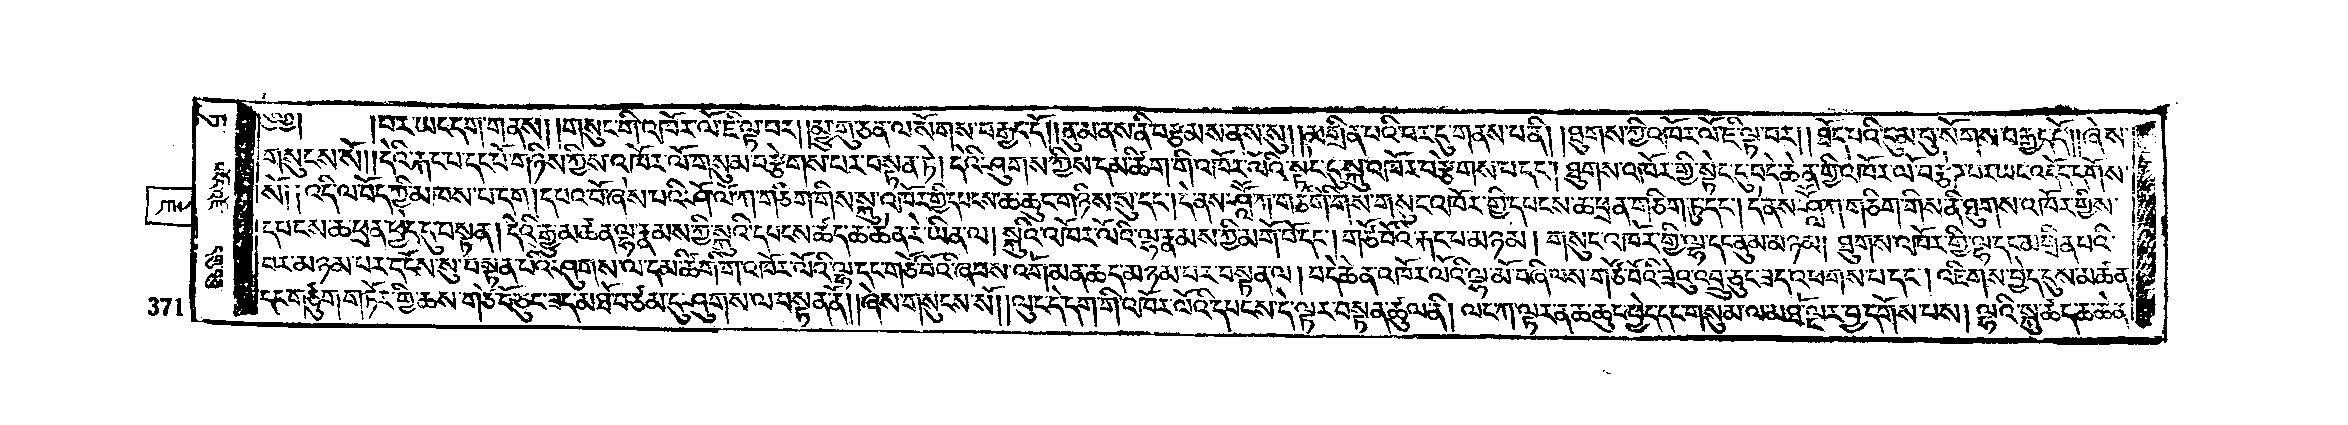༄༅། །བར་ཡང་དག་གནས། །གསུང་གི་འཁོར་ལོ་ཇི་ལྟ་བར། །མྱུ་གུ་ཅན་ལ་སོགས་བརྒྱད་དོ། །ནུ་མ་ནས་ནི་བརྩམས་ནས་སུ། །མགྲིན་པའི་བར་དུ་གནས་པ་ནི། །ཐུགས་ཀྱི་འཁོར་ལོ་ཇི་ལྟ་བར། །ཐོད་པའི་དུམ་བུ་སོགས་བརྒྱད་དོ། །ཞེས་
གསུངས་སོ། །དེའི་རྐང་པ་དང་པོ་གཉིས་ཀྱིས་འཁོར་ལོ་གསུམ་བརྩེགས་པར་བསྟན་ཏེ། དེའི་ཤུགས་ཀྱིས་དམ་ཚིག་གི་འཁོར་ལོའི་སྟེང་དུ་སྐུ་འཁོར་བརྩེགས་པ་དང་། ཐུགས་འཁོར་གྱི་སྟེང་དུ་བདེ་ཆེན་གྱི་འཁོར་ལོ་བརྩེགས་པར་ཡང་འདོད་དགོས་
སོ། །འདི་ལ་བོད་ཀྱི་མཁས་པ་དག། དཔའ་བོ་ཞེས་པའི་ཤོ་ལོ་ཀ་གཅིག་གིས་སྐུ་འཁོར་གྱི་དཔངས་ཆ་ཆུང་གཉིས་སུ་དང་། དེ་ནས་ཤོལོ་ཀ་གཅིག་གིས་གསུང་འཁོར་གྱི་དཔངས་ཆ་ཕྲན་གཅིག་ཏུ་དང་། དེ་ནས་ཤོལོ་ཀ་གཅིག་གིས་ནི་ཐུགས་འཁོར་གྱིས་
དཔངས་ཆ་ཕྲན་ཕྱེད་དུ་བསྟན། དེའི་རྒྱུ་མཚན་ལྷ་རྣམས་ཀྱི་སྐུའི་དཔངས་ཚད་ཆ་ཆེན་རེ་ཡིན་ལ། སྐུའི་འཁོར་ལོའི་ལྷ་རྣམས་ཀྱི་མགོ་བོ་དང་། གཙོ་བོའི་རྐང་པ་མཉམ། གསུང་འཁོར་གྱི་ལྷ་དང་ནུ་མ་མཉམ། ཐུགས་འཁོར་གྱི་ལྷ་དང་མགྲིན་པའི་
པར་མཉམ་པར་དངོས་སུ་བསྟན་པའི་ཤུགས་ལ་དམ་ཚིག་གི་འཁོར་ལོའི་ལྷ་དང་གཙོ་བོའི་ཞབས་འོག་མན་ཆད་མཉམ་པར་བསྟན་ལ། བདེ་ཆེན་འཁོར་ལོའི་ལྷ་མོ་བཞི་ལས་གཙོ་བོའི་ཟེའུ་འབྲུ་ཅུང་ཟད་འཕགས་པ་དང་། འཇིགས་བྱེད་དུས་མཚན་
དང་གཙུག་གཏོར་གྱི་ཆས་གཙོ་བོ་ཅུང་ཟད་མཐོ་བ་ཙམ་དུ་ཤུགས་ལ་བསྟན་ནོ། །ཞེས་གསུངས་སོ། །ལུང་དེ་དག་གི་འཁོར་ལོའི་དཔངས་དེ་ལྟར་བསྟན་ཚུལ་ནི། ལང་ཀ་ལྟར་ན་ཆ་ཆུང་ཕྱེད་དང་གསུམ་ལ་མཐོ་ལྔར་བྱ་དགོས་པས། ལྷའི་སྐུ་ཚད་ཆ་ཆེན་